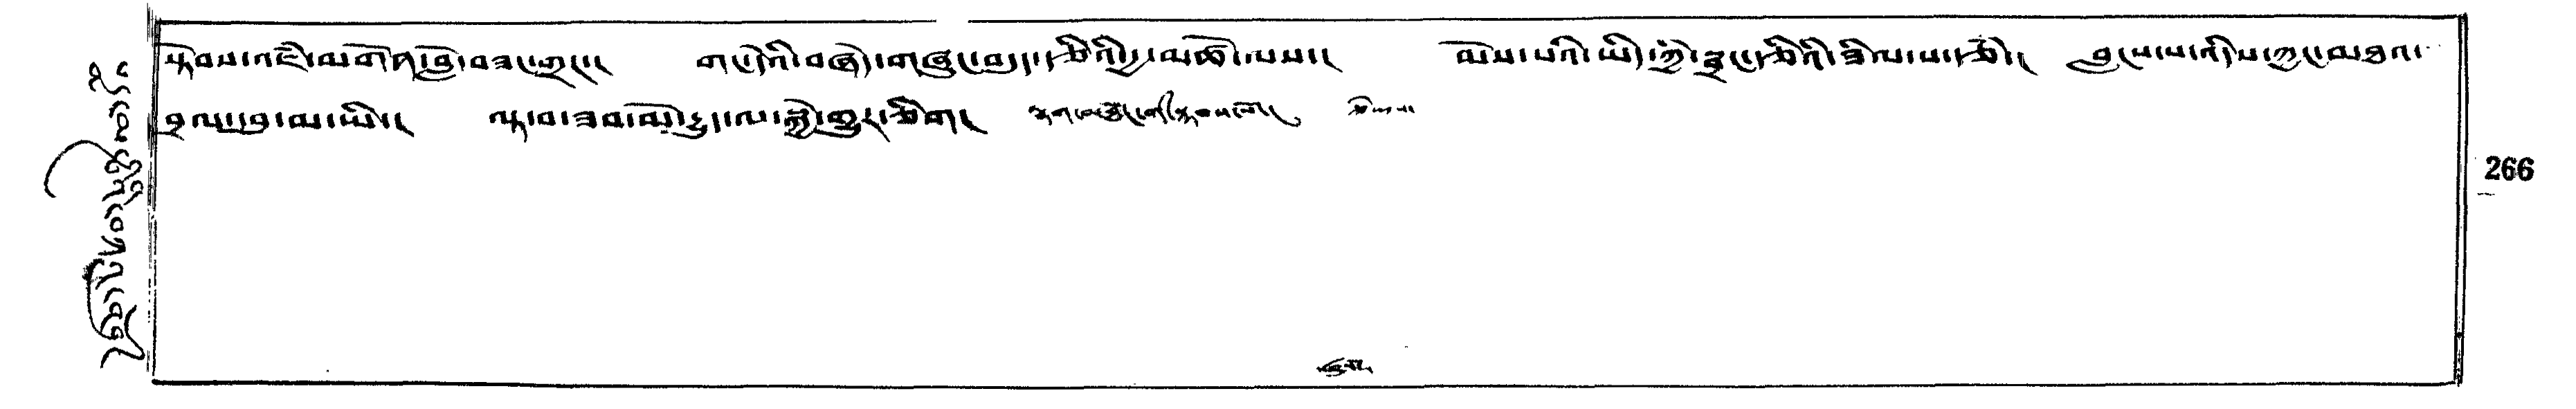སྟོབས་འཇམ་མགོན་བློ་བཟང་གྲགས། །གང་དེའི་བཞེད་གཞུང་བདུད་རྩིའི་རྒྱ་མཚོ་ལས། །མོས་པའི་ཡིད་ཀྱི་སྦྲང་རྩིའི་ཟིལ་པ་ཙམ། །བླངས་པ་འདིས་ཀྱང་མཐའ་
བྲལ་དབུ་མ་ཡི། །ལྟ་བ་ཟབ་མོ་རྒྱུད་ལ་སྐྱེ་གྱུར་ཅིག ལྷག་མཐོང་གི་སྐབས་སོ།། དགེའོ།། །།